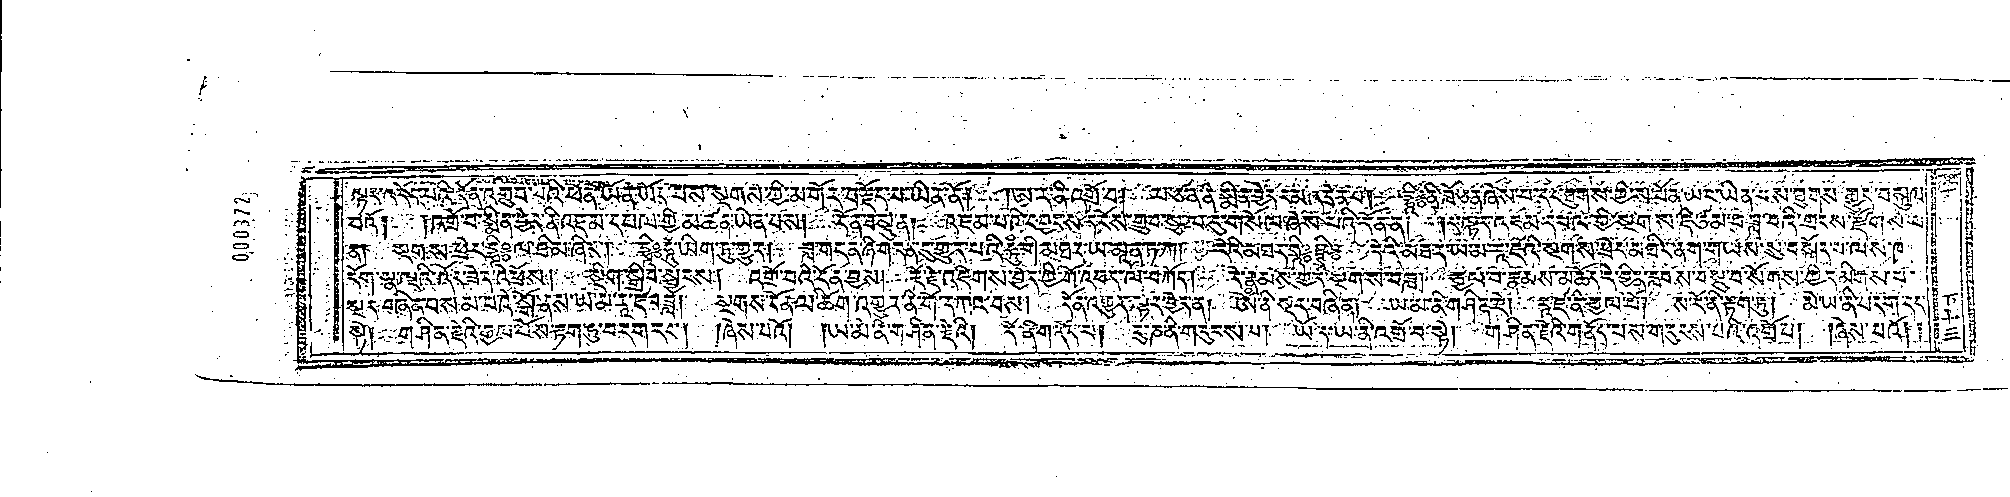ལྟར་འདོད་པའི་དོན་འགྲུབ་པའི་ཕན་ཡོན་ཡོད་པས་སྔགས་ཀྱི་མགོར་བརྗོད་པ་ཡིན་ནོ། །ཨ་ར་ནི་འགྲོ་བ། བ་ཙ་ན་ནི་སྨིན་བྱེད་དམ་འདྲེན་པ། དྷཱིཿ་ནི་བློ་ཅན་ཞེས་པ་དང་ཐུགས་ཀྱི་ས་བོན་ཡང་ཡིན་པས་ཐུགས་རྒྱུད་བསྐུལ་
བའོ། །འགྲོ་བ་སྨིན་བྱེད་ནི་འཇམ་དཔལ་གྱི་མཚན་ཡིན་པས། དོན་བསྡུ་ན། འཇམ་པའི་དབྱངས་དངོས་གྲུབ་སྩལ་དུ་གསོལ་ཞེས་པའི་དོན་ན། །ད་ལྟར་འཇམ་དཔལ་གྱི་སྔགས་ཇི་ཙམ་བཟླ་བའི་གྲངས་རྫོགས་པ་
ན། སྔགས་ཕྲེང་དྷཱིཿ་ལ་ཐིམ་ཞིང་། དྷཱིཿ་ཧཱུཾ་ཡིག་ཏུ་གྱུར། ཟླ་གདན་ཉི་གདན་དུ་གྱུར་པའི་ཧཱུཾ་གི་མཐར་ཡ་མཱ་ན་ཏ་ཀ། དེའི་མཐར་ཧྲཱིཿ་ཥྚཱིཿ་དེའི་མཐར་ཡ་མ་རཱ་ཛའི་སྔགས་ཕྲེང་མཐིང་ནག་གཡས་སུ་བསྐོར་བ་ལས་ཁ་
དོག་སྣ་ལྔའི་འོད་ཟེར་འཕྲོས། སྡིག་སྒྲིབ་སྦྱངས། འགྲོ་བའི་དོན་བྱས། རྡོ་རྗེ་འཇིགས་བྱེད་ཀྱི་གོ་འཕང་ལ་བཀོད། དེ་རྣམས་གྱང་སྔགས་བཟླ། རྒྱལ་བ་རྣམས་མཆོད་དེ་བྱིན་རླབས་བསྡུ་བ་སོགས་ཀྱི་དམིགས་པ་
སྔར་བཞིན་བསམ་པའི་སྒོ་ནས་ཡ་མ་རཱ་ཛ་བཟླ། སྔགས་དོན་ལ་ཚིག་འགྱུར་ནི་གོ་དཀའ་བས། དོན་འགྱུར་ལྟར་བྱེད་ན། ཨོཾ་ནི་སྔར་བཞིན། ཡ་མ་ནི་གཤིན་རྗེ། རཱ་ཛ་ནི་རྒྱལ་པོ། ས་ངོ་ནི་རྟག་ཏུ། མེ་ཡ་ནི་བདག་དང་
སྟེ། གཤིན་རྗེའི་རྒྱལ་པོས་རྟག་ཏུ་བདག་དང་། །ཞེས་པའོ། །ཡ་མེ་ནི་གཤིན་རྗེའོ། །དོ་ནི་གནོད་པ། དུ་ཎ་ནི་གདུངས་པ། ཡོ་ད་ཡ་ནི་འགྲོ་བ་སྟེ། གཤིན་རྗེའི་གནོད་པས་གདུངས་པའི་འགྲོ་པ། །ཞེས་པའོ། །